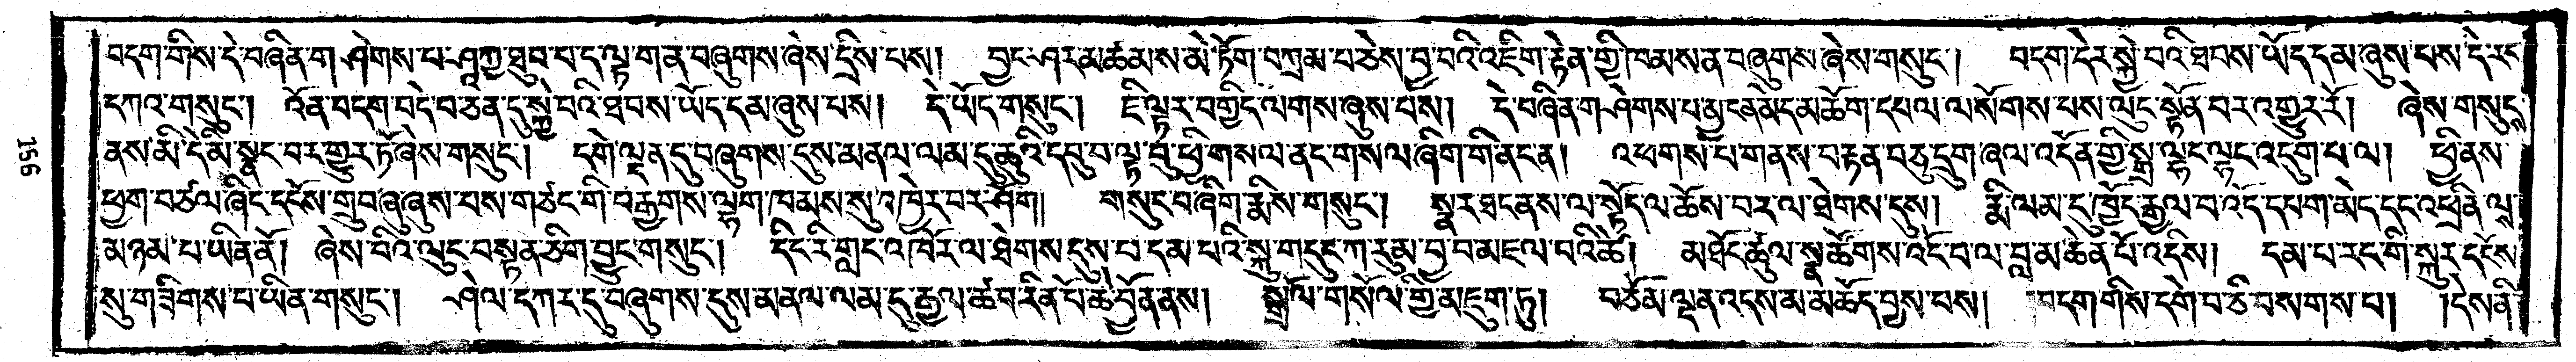བདག་གིས་དེ་བཞིན་གཤེགས་པ་ཤཱཀྱ་ཐུབ་པ་ད་ལྟ་གན་བཞུགས་ཞེས་དྲིས་པས། བྱང་ཤར་མཚམས་མེ་ཏོག་བཀྲམ་པ་ཅེས་བྱ་བའི་འཇིག་རྟེན་གྱི་ཁམས་ན་བཞུགས་ཞེས་གསུང་། བདག་དེར་སྐྱེ་བའི་ཐབས་ཡོད་དམ་ཞུས་པས་དེ་རང་
དཀའ་གསུང་། འོན་བདག་བདེ་བ་ཅན་དུ་སྐྱེ་བའི་ཐབས་ཡོད་དམ་ཞུས་པས། དེ་ཡོད་གསུང་། ཇི་ལྟར་བགྱིད་ལགས་ཞུས་པས། དེ་བཞིན་གཤེགས་པ་མྱ་ངན་མེད་མཆོག་དཔལ་ལ་སོགས་པས་ལུང་སྟོན་བར་འགྱུར་རོ། ཞེས་གསུངས་
ནས་མི་དེ་མི་སྣང་བར་གྱུར་ཏོ་ཞེས་གསུང་། དགེ་ལྡན་དུ་བཞུགས་དུས་མནལ་ལམ་དུ་ཆུའི་དབུ་བ་ལྟ་བུ་ཕྱི་གསལ་ནང་གསལ་ཞིག་གི་ནང་ན། འཕགས་པ་གནས་བརྟན་བཅུ་དྲུག་ཞལ་འདོན་གྱི་སྒྲ་ལྷང་ལྷང་འདུག་པ་ལ། ཕྱི་ནས་
ཕྱག་བཙལ་ཞིང་དངོས་གྲུབ་ཞུ་ཞུས་པས་གཙང་གི་བརྒྱགས་ལྷག་ཁམས་སུ་འཁྱེར་བར་ཤོག། གསུང་བ་ཞིག་རྨིས་གསུང་། སྣར་ཐང་ནས་ལ་སྟོད་ལ་ཆོས་བར་ལ་ཐེགས་དུས། རྨི་ལམ་དུ་ཁྱོད་རྒྱལ་བ་འོད་དཔག་མེད་དང་འཕྲིན་ལས་
མཉམ་པ་ཡིན་ནོ། ཞེས་བའི་ལུང་བསྟན་ཅིག་བྱུང་གསུང་། དིང་རི་གླང་འཁོར་ལ་ཐེགས་དུས་པ་དམ་པའི་སྐུ་གདུང་ཀ་རུམ་བྱ་བ་མཇལ་བའི་ཚེ། མཐོང་ཚུལ་སྣ་ཚོགས་འོང་བ་ལ་བླ་མ་ཆེན་པོ་འདིས། དམ་པ་རང་གི་སྐུར་དངོས་
སུ་གཟིགས་པ་ཡིན་གསུང་། ཤེལ་དཀར་དུ་བཞུགས་དུས་མནལ་ལམ་དུ་རྒྱལ་ཚབ་རིན་པོ་ཆེ་བྱོན་ནས། སྒྲོལ་གསོལ་གྱི་མཇུག་ཏུ། བཅོམ་ལྡན་འདས་མ་མཆོད་བྱས་པས། །བདག་གིས་དགེ་བ་ཅི་བསགས་པ། །དེས་ནི་